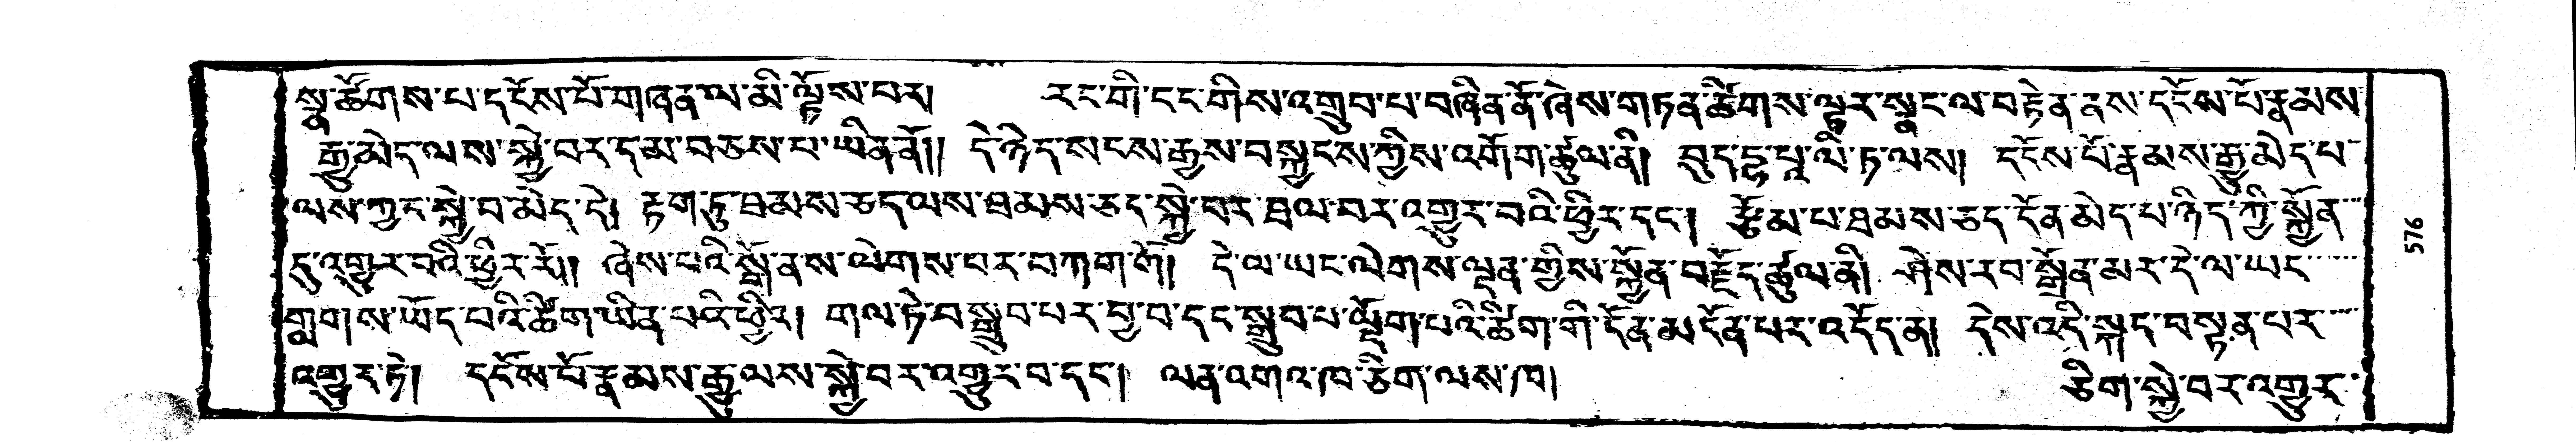སྣ་ཚོགས་པ་དངོས་པོ་གཞན་ལ་མི་ལྟོས་པར། རང་གི་ངང་གིས་འགྲུབ་པ་བཞིན་ནོ་ཞེས་གཏན་ཚིགས་ལྟར་སྣང་ལ་བརྟེན་ནས་དངོས་པོ་རྣམས་
རྒྱུ་མེད་ལས་སྐྱེ་བར་དམ་བཅས་པ་ཡིན་ནོ།། དེ་ཉིད་སངས་རྒྱས་བསྐྱངས་ཀྱིས་འགོག་ཚུལ་ནི། བུད་དྷ་པཱ་ལི་ཏ་ལས། དངོས་པོ་རྣམས་རྒྱུ་མེད་པ་
ལས་ཀྱང་སྐྱེ་བ་མེད་དེ། རྟག་ཏུ་ཐམས་ཅད་ལས་ཐམས་ཅད་སྐྱེ་བར་ཐལ་བར་འགྱུར་བའི་ཕྱིར་དང་། རྩོམ་པ་ཐམས་ཅད་དོན་མེད་པ་ཉིད་ཀྱི་སྐྱོན་
དུ་འགྱུར་བའི་ཕྱིར་རོ།། ཞེས་པའི་སྒོ་ནས་ལེགས་པར་བཀག་གོ། དེ་ལ་ཡང་ལེགས་ལྡན་གྱིས་སྐྱོན་བརྗོད་ཚུལ་ནི། ཤེས་རབ་སྒྲོན་མར་དེ་ལ་ཡང་
གླགས་ཡོད་པའི་ཚིག་ཡིན་པའི་ཕྱིར། གལ་ཏེ་བསྒྲུབ་པར་བྱ་བ་དང་སྒྲུབ་པ་ལྡོག་པའི་ཚིག་གི་དོན་མངོན་པར་འདོད་ན། དེས་འདི་སྐད་བསྟན་པར་
འགྱུར་ཏེ། དངོས་པོ་རྣམས་རྒྱུ་ལས་སྐྱེ་བར་འགྱུར་བ་དང་། ལན་འགའ་ཁ་ཅིག་ལས་ཁ། ཅིག་སྐྱེ་བར་འགྱུར་